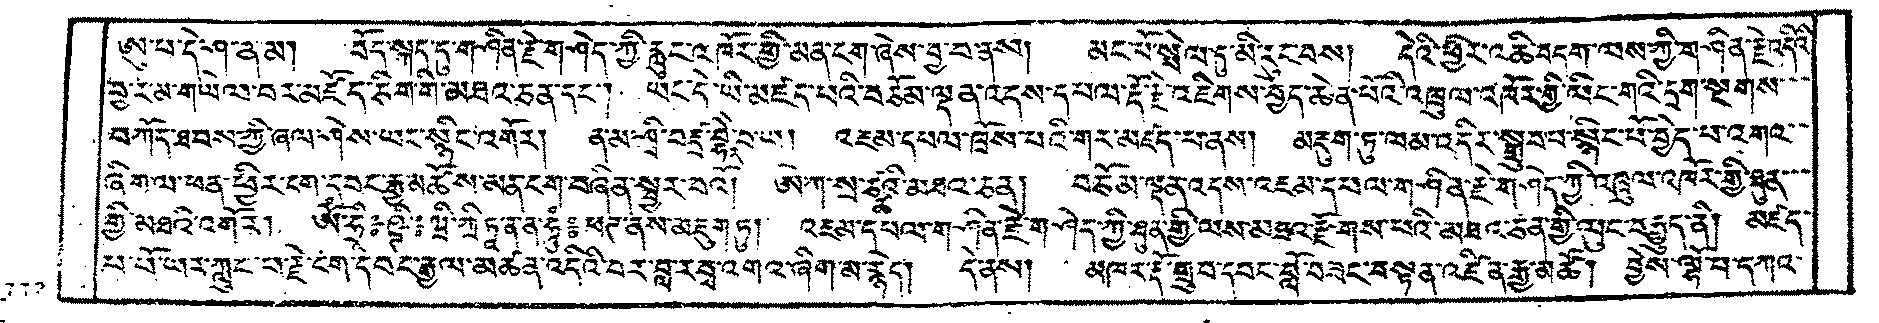ཨུ་པ་དེ་ཤ་ན་མ། བོད་སྐད་དུ་གཤིན་རྗེ་གཤེད་ཀྱི་རླུང་འཁོར་གྱི་མན་ངག་ཞེས་བྱ་བ་ནས། མང་པོ་སྤེལ་དུ་མི་རུང་བས། དེའི་ཕྱིར་འཆི་བདག་ལས་ཀྱི་གཤིན་རྗེ་འདིའི་
བྱ་ར་མ་གཡེལ་བར་མཛོད་ཅིག་གི་མཐའ་ཅན་དང་། ཡང་དེ་ཡི་མཛད་པའི་བཅོམ་ལྡན་འདས་དཔལ་རྡོ་རྗེ་འཇིགས་བྱེད་ཆེན་པོའི་འཁྲུལ་འཁོར་གྱི་ལིང་གའི་དྲག་སྔགས་
བཀོད་ཐབས་ཀྱི་ཞལ་ཤེས་ཡང་སྙིང་འགོར། ན་མ་ཤྲི་བཛྲ་བྷཻར་བ་ཡ། འཇམ་དཔལ་ཁྲོས་པའི་གར་མཛད་པ་ནས། མཇུག་ཏུ་ལམ་འདིར་སྒྲུབ་པ་སྙིང་པོ་བྱེད་པ་འགའ་
ཞིག་ལ་ཕན་ཕྱིར་ངག་དབང་རྒྱ་མཚོས་མན་ངག་བཞིན་སྦྱར་བའོ། །ཨེ་ཀ་སྲ་ཙྪའི་མཐའ་ཅན། བཅོམ་ལྡན་འདས་འཇམ་དཔལ་གཤིན་རྗེ་གཤེད་ཀྱི་འཁྲུལ་འཁོར་གྱི་ཐུན་
གྱི་མཐའི་འགོར། ཨོཾ་ཧྲཱིཿ ཥྚིཿ ཝི་ཀྲི་ཏཱ་ན་ན་ཧཱུཾཿ ཕཊ་ནས་མཇུག་ཏུ། འཇམ་དཔལ་གཤིན་རྗེ་གཤེད་ཀྱི་ཐུན་གྱི་ལས་མཐའ་རྫོགས་པའི་མཐའ་ཅན་གྱི་ལུང་བརྒྱུད་ནི། མཛད་
པ་པོ་ཡར་ཀླུང་པ་རྗེ་ངག་དབང་རྒྱལ་མཚན་འདིའི་བར་བླ་རབས་འགའ་ཞིག་མ་རྙེད། དེ་ནས། མཁར་རྡོ་གྲུབ་དབང་བློ་བཟང་བསྟན་འཛིན་རྒྱ་མཚོ། བྱེས་ལྷོ་པ་དཀའ་